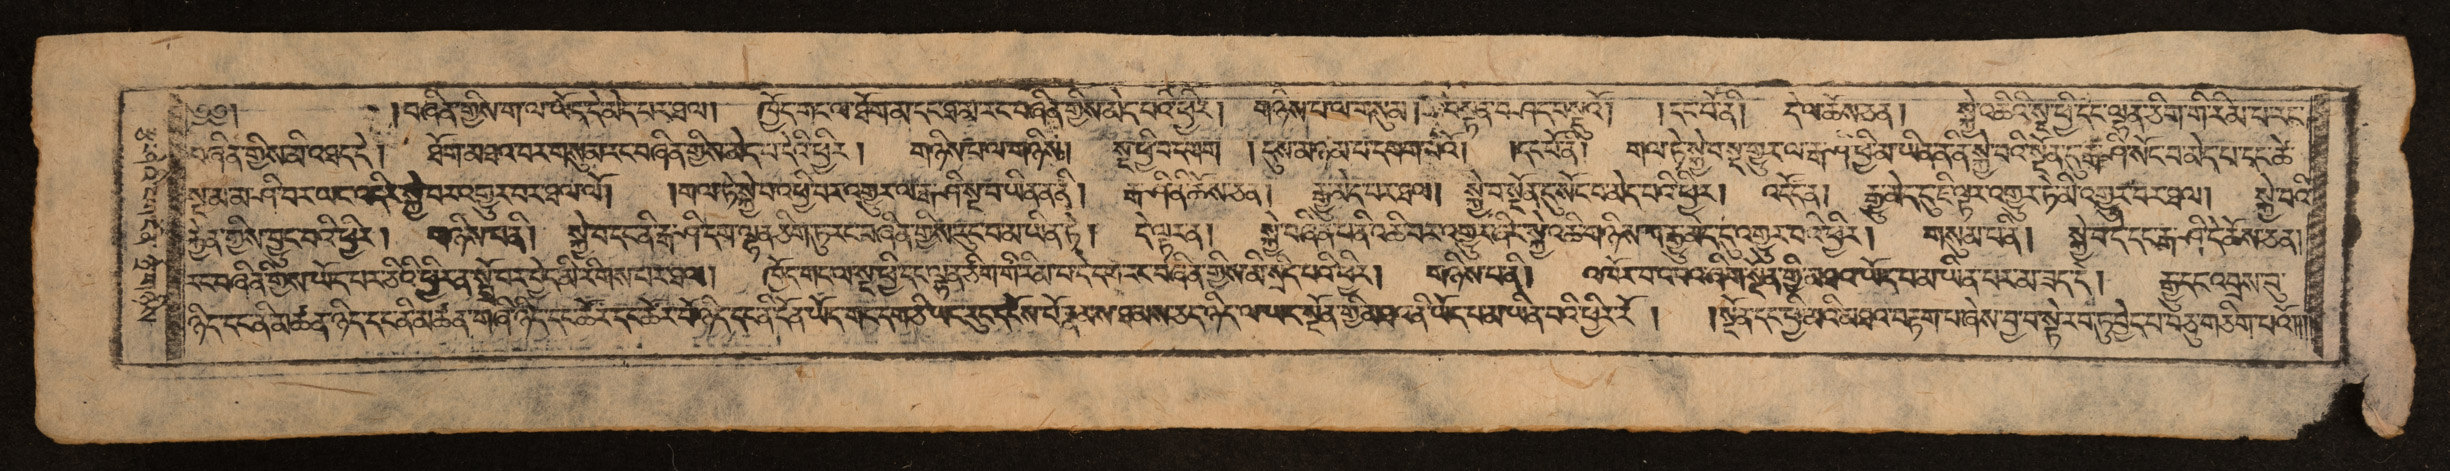༄༅། །བཞིན་གྱིས་ག་ལ་ཡོད་དེ་མེད་པར་ཐལ། ཁྱོད་གང་ལ་ཐོག་མ་དང་ཐ་མ་རང་བཞིན་གྱིས་མེད་པའི་ཕྱིར། གཉིས་པ་ལ་གསུམ། བསྟན་བཤད་བསྡུའོ། །དང་པོ་ནི། དེ་ལ་ཆོས་ཅན། སྐྱེ་འཆིའི་སྔ་ཕྱི་དང་ལྷན་ཅིག་གི་རིམ་པ་རང་
བཞིན་གྱིས་མི་འཐད་དེ། ཐོག་མཐའ་བར་གསུམ་རང་བཞིན་གྱིས་མེད་པ་དེའི་ཕྱིར། གཉིས་པ་ལ་གཉིས། སྔ་ཕྱི་བ་དགག །དུས་མཉམ་པ་དགག་པའོ། །དང་པོ་ནི། གལ་ཏེ་སྐྱེ་བ་སྔ་གྱུར་ལ་རྒ་ཤི་ཕྱི་མ་ཡིན་ན་ནི་སྐྱེ་བའི་སྔོན་དུ་རྒ་ཤི་སོང་བ་མེད་པ་དང་ཚེ་
སྔ་མ་མ་ཤི་བར་ཡང་འདིར་སྐྱེ་བར་འགྱུར་བར་ཐལ་ལོ། །གལ་ཏེ་སྐྱེ་བ་འཕྱི་བར་འགྱུར་ལ་རྒ་ཤི་སྔ་བ་ཡིན་ན་ནི། རྒ་ཤི་ནི་ཆོས་ཅན། རྒྱུ་མེད་པར་ཐལ། སྐྱེ་བ་སྔོན་དུ་སོང་བ་མེད་པའི་ཕྱིར། འདོད་ན། རྒྱུ་མེད་དུ་ཇི་ལྟར་འགྱུར་ཏེ་མི་འགྱུར་བར་ཐལ། སྐྱེ་བའི་
རྐྱེན་གྱིས་བྱུང་བའི་ཕྱིར། གཉིས་པ་ནི། སྐྱེ་བ་དང་ནི་རྒ་ཤི་དག་ལྷན་ཅིག་ཏུ་རང་བཞིན་གྱིས་རུང་བ་མ་ཡིན་ཏེ། དེ་ལྟར་ན། སྐྱེ་བཞིན་པ་ནི་འཆི་བར་འགྱུར་ཞིང་སྐྱེ་འཆི་གཉིས་ཀ་རྒྱུ་མེད་དུ་འགྱུར་བའི་ཕྱིར། གསུམ་པ་ནི། སྐྱེ་བ་དེ་དང་རྒ་ཤི་དེ་ཆོས་ཅན།
རང་བཞིན་གྱིས་ཡོད་པར་ཅིའི་ཕྱིར་ན་སྤྲོ་བར་བྱེད་མི་རིགས་པར་ཐལ། ཁྱོད་གང་ལ་སྔ་ཕྱི་དང་ལྷན་ཅིག་གི་རིམ་པ་དེ་དག་རང་བཞིན་གྱིས་མི་སྲིད་པའི་ཕྱིར། གཉིས་པ་ནི། འཁོར་བ་འབའ་ཞིག་སྔོན་གྱི་མཐའ་ཡོད་པ་མ་ཡིན་པར་མ་ཟད་དེ། རྒྱུ་དང་འབྲས་བུ་
ཉིད་དང་ནི་མཚན་ཉིད་དང་ནི་མཚན་གཞི་ཉིད་དང་ཚོར་དང་ཚོར་པོ་ཉིད་དང་ནི་དོན་ཡོད་གང་དག་ཅི་ཡང་རུང་དངོས་པོ་རྣམས་ཐམས་ཅད་ཉིད་ལ་ཡང་སྔོན་གྱི་མཐའ་ནི་ཡོད་པ་མ་ཡིན་པའི་ཕྱིར་རོ། །སྔོན་དང་ཕྱི་མའི་མཐའ་བརྟག་པ་ཞེས་བྱ་བ་སྟེ་རབ་ཏུ་བྱེད་པ་བཅུ་གཅིག་པའོ།།